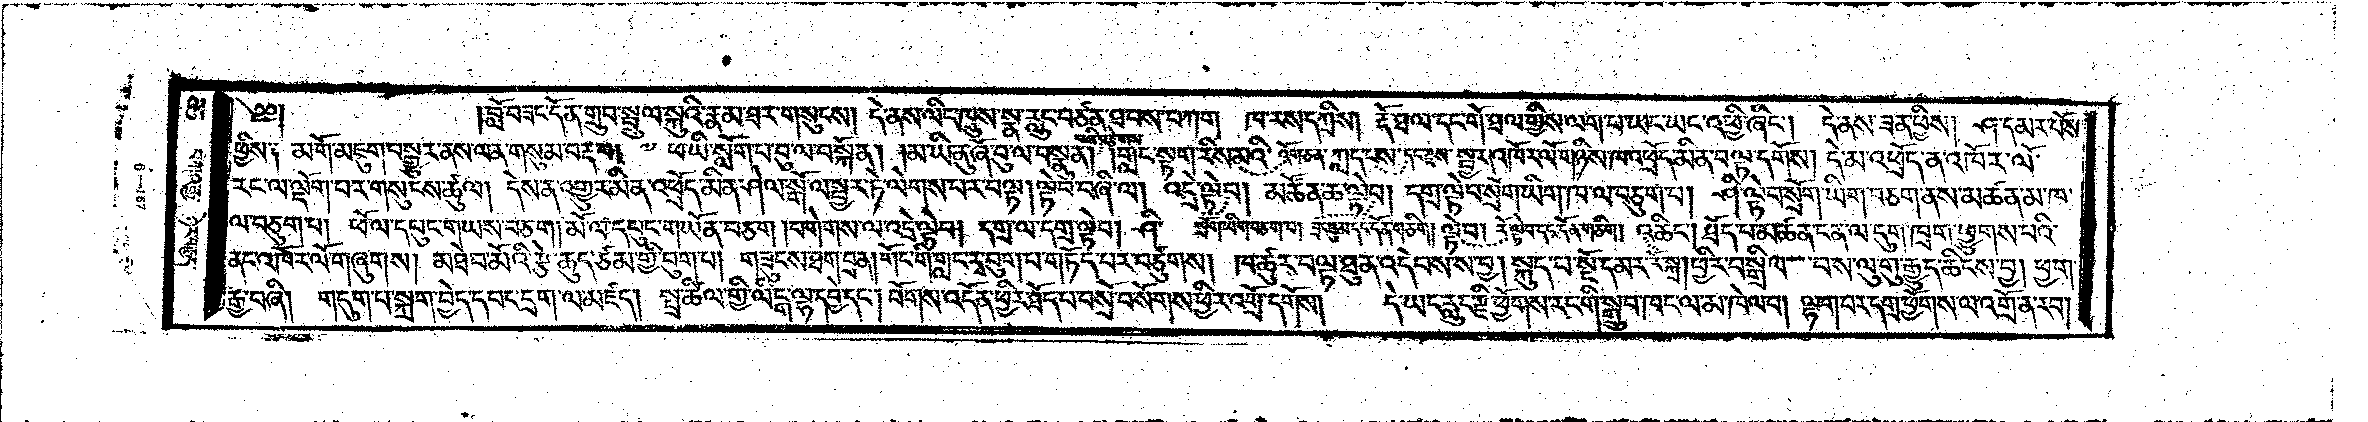༄༅། །བློ་བཟང་དོན་གྲུབ་སྤྲུལ་སྐུའི་རྣམ་ཐར་གསུངས། དེ་ནས་ལིང་ཁྲུས་སྣ་རླུང་བཙན་ཐབས་བཀག་ཁ་རས་དཀྲིས། རྡོ་ཐལ་དང་གོ་ཐལ་གྱིས་ལག་པ་ཡང་ཡང་འཕྱི་ཞིང་། དེ་ནས་ཟན་ཕྱིས། ཤ་དམར་པོས་
ཕྱིས༑ མགོ་མཇུག་བསྒྱུར་ནས་ལན་གསུམ་བརྡ་བ། ༧་ཕ་ཡི་སློག་པ་བུ་ལ་བསྐོན། །མ་ཡི་ནུ་ཞོ་བུ་ལ་བསྣུན། །གླང་སྟག་རིས་འོག་ཅན་མའི་ཀླད་དང་རྫས་པས་སྦྱར། འཁོར་ལོ་གཉིས་ཁ་འཕྲོད་མིན་བལྟ་དགོས། དེ་མ་འཕྲོད་ན་འཁོར་ལོ་
རང་ལ་ལྡོག་པར་གསུངས་ཚུལ། དེས་ན་འགྱུར་མིན་འཕྲོད་མིན་ཤེལ་སྒོ་ལ་སྦྱར་ཏེ་ལེགས་པར་བལྟ། ལྟེ་བ་བཞི་ལ། འདྲེ་ལྟེ་སྲོག་ཡིག་བཅག་བ།  མཚོན་ཆ་ལྟེ་སྲོག་ཡིག་བཅག་པ་མཚོན་ཆ་ལྟེ་བྲང་ཐུམ་དང་དོན་གཅིག།  དགྲ་ལྟེ་བ་སྲོག་ཡིག་ཁ་ལ་བཅུག་པ། ཤི་ལྟེ་བ་སྲོག་ཡིག་བཅག་ནས་མཚན་མ་ཁ་
ལ་བཅུག་པ། ཕོ་ལ་དཔུང་གཡས་བཅག །མོ་ལ་དཔུང་གཡོན་བཅག །བགེགས་ལ་འདྲེ་ལྟེབ། དགྲ་ལ་དགྲ་ལྟེབ། ཤི་ལྟེ་བ་རོ་ལྟེབ་དང་དོན་གཅིག།  བ། རོ་སྐྲ།  འཆིང་། ཐོད་པ་མཚན་ངན་ལ་དུག་ཁྲག་ཕྱུགས་པའི་
ནང་འཁོར་ལོ་གཞུགས། མཐེབ་མོའི་རྩེ་ཆུད་ཙམ་གྱི་བུག་པ། གཟུངས་ཐག་བྲན། གོང་གི་གླང་རྭ་བུག་བ་གཏོད་པར་བཙུགས། ཁ་ཚུར་བལྟ་ཐུན་འདེབས་ས་བྱ། སྐུད་པ་སྔོ་དམར་ཕྱིར་བསྒྲིལ་བས་ལུ་གུ་རྒྱུད་ཆིངས་བྱ། ཕྱག་
རྒྱ་བཞི། གདུག་པ་སྐྲག་བྱེད་དབང་དྲག་ལ་མཛད། སྤྲ་ཚིལ་གྱི་ལིངྒ་ལྷ་དབྱེ་དང་། བོགས་འདོན་ཕྱིར་ཐོད་པ་བསྲོ་བ་སོགས་ཕྱིར་འགྲོ་དགོས། དེ་ཡང་རླུང་རྫི་ཕྱོགས་རང་གི་སྒྲུབ་ཁང་ལ་མ་ཁེལ་བ། ལྷག་བར་དགྲ་ཕྱོགས་ལ་འགྲོན་རབ།